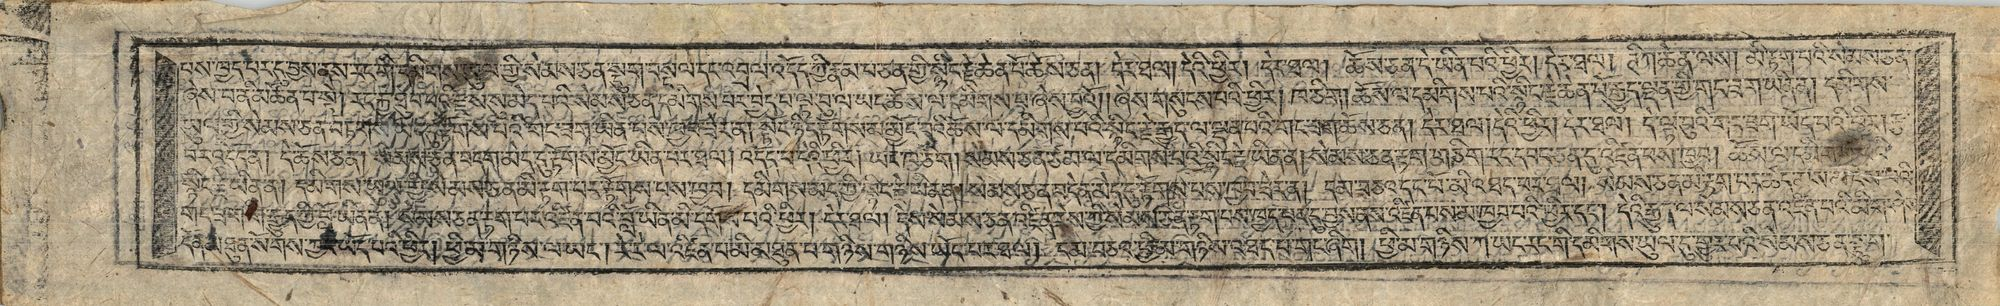པས་ཁྱད་པར་དུ་བྱས་ནས་རང་གི་དམིགས་ཡུལ་གྱི་སེམས་ཅན་སྡུག་བསྔལ་དང་འབྲལ་འདོད་ཀྱི་རྣམ་པ་ཅན་གྱི་སྙིང་རྗེ་ཆེན་པོ་ཆོས་ཅན། དེར་ཐལ། དེའི་ཕྱིར། དེར་ཐལ། ཆོས་ཅན་དེ་ཡིན་པའི་ཕྱིར། དེར་ཐལ། ཊིཀཆེན་ལས། མི་རྟག་པའི་སེམས་ཅན་
ཞེས་པ་ནི་མཚོན་པ་སྟེ། རང་རྐྱ་ཐུབ་པའི་རྫས་སུ་མེད་པའི་སེམས་ཅན་དམིགས་པར་བྱེད་པ་ལྟ་བུ་ལ་ཡང་ཆོས་ལ་དམིགས་པ་ཞེས་བྱའོ། །ཞེས་གསུངས་པའི་ཕྱིར། ཁ་ཅིག །ཆོས་ལ་དམིགས་པའི་སྙིང་རྗེ་ཆེན་པོ་རྒྱུད་ལྡན་གྱི་གང་ཟག་ཡིན་ན། དམིགས་
ཡུལ་གྱི་སེམས་ཅན་བཏགས་ཡོད་དུ་རྟོགས་པའི་གང་ཟག་ཡིན་པས་ཁྱབ་ཟེར་ན། སྟོང་ཉིད་རྟོགས་མ་མྱོང་བའི་ཆོས་ལ་དམིགས་པའི་སྙིང་རྗེ་རྒྱུད་ལ་ལྡན་པའི་གང་ཟག་ཆོས་ཅན། དེར་ཐལ། དེའི་ཕྱིར། དེར་ཐལ། དེ་ལྟ་བུའི་གང་ཟག་ཡོད་པའི་ཕྱིར། རྩ་
བར་འདོད་ན། དེ་ཆོས་ཅན། སེམས་ཅན་བདག་མེད་དུ་རྟོགས་མྱོང་ཡིན་པར་ཐལ། འདོད་པ་དེའི་ཕྱིར། ཡང་ཁ་ཅིག །སེམས་ཅན་ཙམ་ལ་དམིགས་པའི་སྙིང་རྗེ་ཡིན་ན། སེམས་ཅན་རྟག་གཅིག་རང་དབང་ཅན་དུ་འཛིན་པས་ཁྱབ། ཆོས་ལ་དམིགས་པའི་
སྙིང་རྗེ་ཡིན་ན། དམིགས་ཡུལ་གྱི་སེམས་ཅན་མི་རྟག་པར་རྟོགས་པས་ཁྱབ། དམིགས་མེད་ཀྱི་སྙིང་རྗེ་ཡིན་ན། སེམས་ཅན་བདེན་མེད་དུ་རྟོགས་པས་ཁྱབ་ཟེར་ན། དམ་བཅའ་དང་པོ་མི་འཐད་པར་ཐལ། སེམས་ཅན་མི་རྟག་པར་ཚད་མས་མ་ངེས་པའི་
གང་ཟག་གི་རྒྱུད་ཀྱི་བློ་ཡིན་ན། སེམས་ཅན་རྟག་པར་འཛིན་པའི་བློ་ཡིན་མི་དགོས་པའི་ཕྱིར། དེར་ཐལ། དེས་སེམས་ཅན་འཛིན་རེས་ཀྱི་སེམས་ཅན་རྟག་པས་ཁྱད་པར་དུ་བྱས་ནས་འཛིན་པས་མ་ཁྱབ་པའི་ཕྱིར་དང་། དེའི་རྒྱུད་ལ་སེམས་ཅན་འཛིན་པའི་མིག་ཤེས་
དོན་མཐུན་སོགས་ཀྱང་ཡོད་པའི་ཕྱིར། ཕྱི་མ་གཉིས་ལ་ཡང་། རེ་རེ་ལ་འཛིན་པ་མི་མཐུན་པ་གཉིས་གཉིས་ཡོད་པར་ཐལ། དམ་བཅའ་ཕྱི་མ་གཉིས་འཐད་པ་གང་ཞིག །ཕྱི་མ་གཉིས་ཀ་ཡང་རང་གི་དམིགས་ཡུལ་དུ་གྱུར་བའི་སེམས་ཅན་སྡུག་